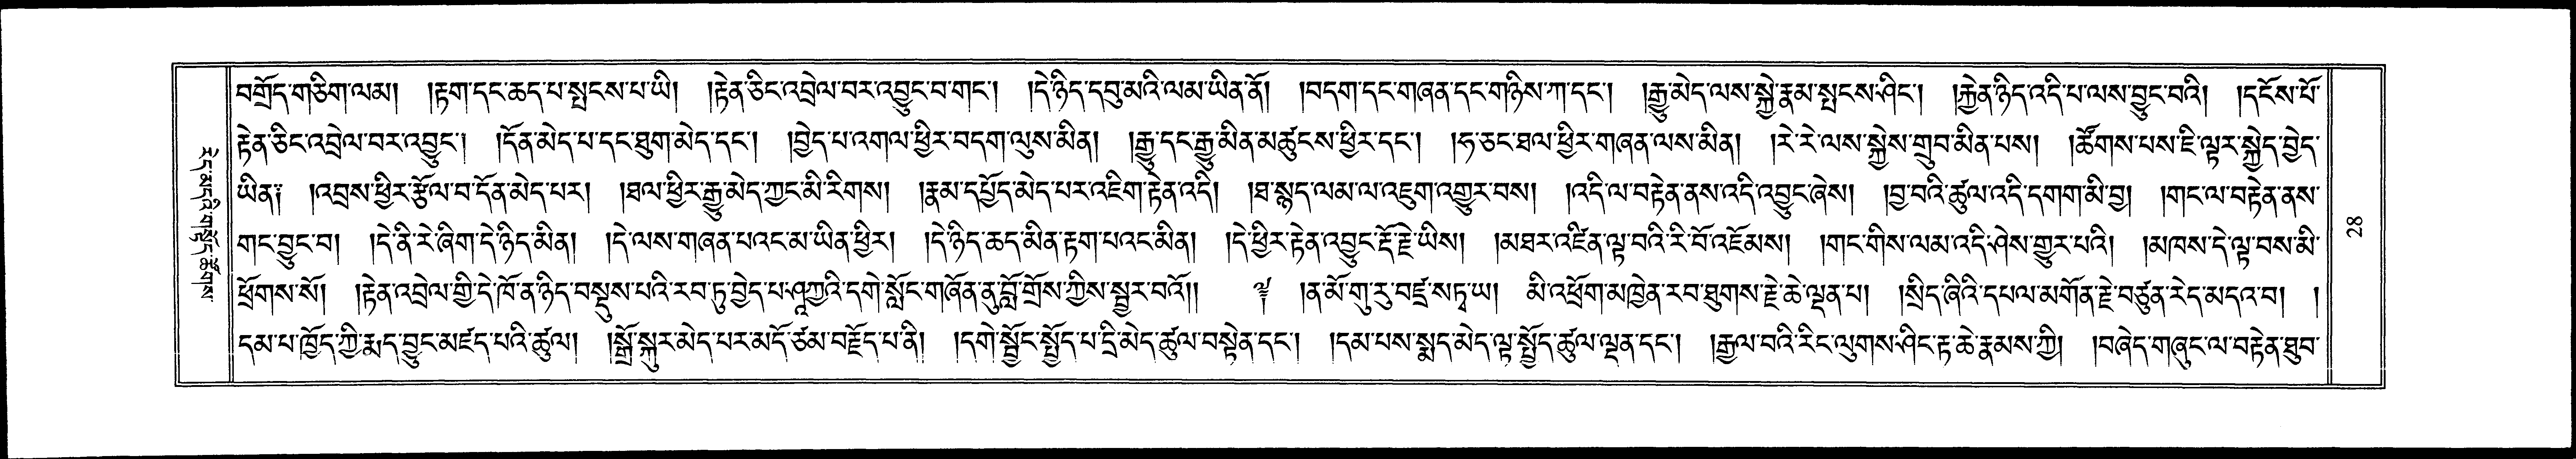བགྲོད་གཅིག་ལམ། །རྟག་དང་ཆད་པ་སྤངས་པ་ཡི། །རྟེན་ཅིང་འབྲེལ་བར་འབྱུང་བ་གང་། །དེ་ཉིད་དབུ་མའི་ལམ་ཡིན་ནོ། །བདག་དང་གཞན་དང་གཉིས་ཀ་དང་། །རྒྱུ་མེད་ལས་སྐྱེ་རྣམ་སྤངས་ཤིང་། །རྐྱེན་ཉིད་འདི་པ་ལས་བྱུང་བའི། །དངོས་པོ་
རྟེན་ཅིང་འབྲེལ་བར་འབྱུང་། །དོན་མེད་པ་དང་ཐུག་མེད་དང་། །བྱེད་པ་འགལ་ཕྱིར་བདག་ལུས་མིན། །རྒྱུ་དང་རྒྱུ་མིན་མཚུངས་ཕྱིར་དང་། །ཧ་ཅང་ཐལ་ཕྱིར་གཞན་ལས་མིན། །རེ་རེ་ལས་སྐྱེས་གྲུབ་མིན་པས། །ཚོགས་པས་ཇི་ལྟར་སྐྱེད་བྱེད་
ཡིན། །འབྲས་ཕྱིར་རྩོལ་བ་དོན་མེད་པར། །ཐལ་ཕྱིར་རྒྱུ་མེད་ཀྱང་མི་རིགས། །རྣམ་དཔྱོད་མེད་པར་འཇིག་རྟེན་འདི། །ཐ་སྙད་ལམ་ལ་འཇུག་འགྱུར་བས། །འདི་ལ་བརྟེན་ནས་འདི་འབྱུང་ཞེས། །བྱ་བའི་ཚུལ་འདི་དགག་མི་བྱ། །གང་ལ་བརྟེན་ནས་
གང་བྱུང་བ། །དེ་ནི་རེ་ཞིག་དེ་ཉིད་མིན། །དེ་ལས་གཞན་པའང་མ་ཡིན་ཕྱིར། །དེ་ཉིད་ཆད་མིན་རྟག་པའང་མིན། །དེ་ཕྱིར་རྟེན་འབྱུང་རྡོ་རྗེ་ཡིས། །མཐར་འཛིན་ལྟ་བའི་རི་བོ་འཇོམས། །གང་གིས་ལམ་འདི་ཤེས་གྱུར་པའི། །མཁས་དེ་ལྟ་བས་མི་
ཕྲོགས་སོ། །རྟེན་འབྲེལ་གྱི་དེ་ཁོ་ན་ཉིད་བསྡུས་པའི་རབ་ཏུ་བྱེད་པ་ཤཱཀྱའི་དགེ་སློང་གཞོན་ནུ་བློ་གྲོས་ཀྱིས་སྦྱར་བའོ།། ༈ །ན་མོ་གུ་རུ་བཛྲ་སཏྭ་ཡ། མི་འཕྲོག་མཁྱེན་རབ་ཐུགས་རྗེ་ཆེ་ལྡན་པ། །སྲིད་ཞིའི་དཔལ་མགོན་རྗེ་བཙུན་རེད་མདའ་བ། །
དམ་པ་ཁྱོད་ཀྱི་རྨད་བྱུང་མཛད་པའི་ཚུལ། །སྒྲོ་སྐུར་མེད་པར་མདོ་ཙམ་བརྗོད་པ་ནི། །དགེ་སྦྱོང་སྤྱོད་པ་དྲི་མེད་ཚུལ་བསྟེན་དང་། །དམ་པས་སྨད་མེད་ལྟ་སྤྱོད་ཚུལ་ལྡན་དང་། །རྒྱལ་བའི་རིང་ལུགས་ཤིང་རྟ་ཆེ་རྣམས་ཀྱི། །བཞེད་གཞུང་ལ་བརྟེན་ཐུབ་